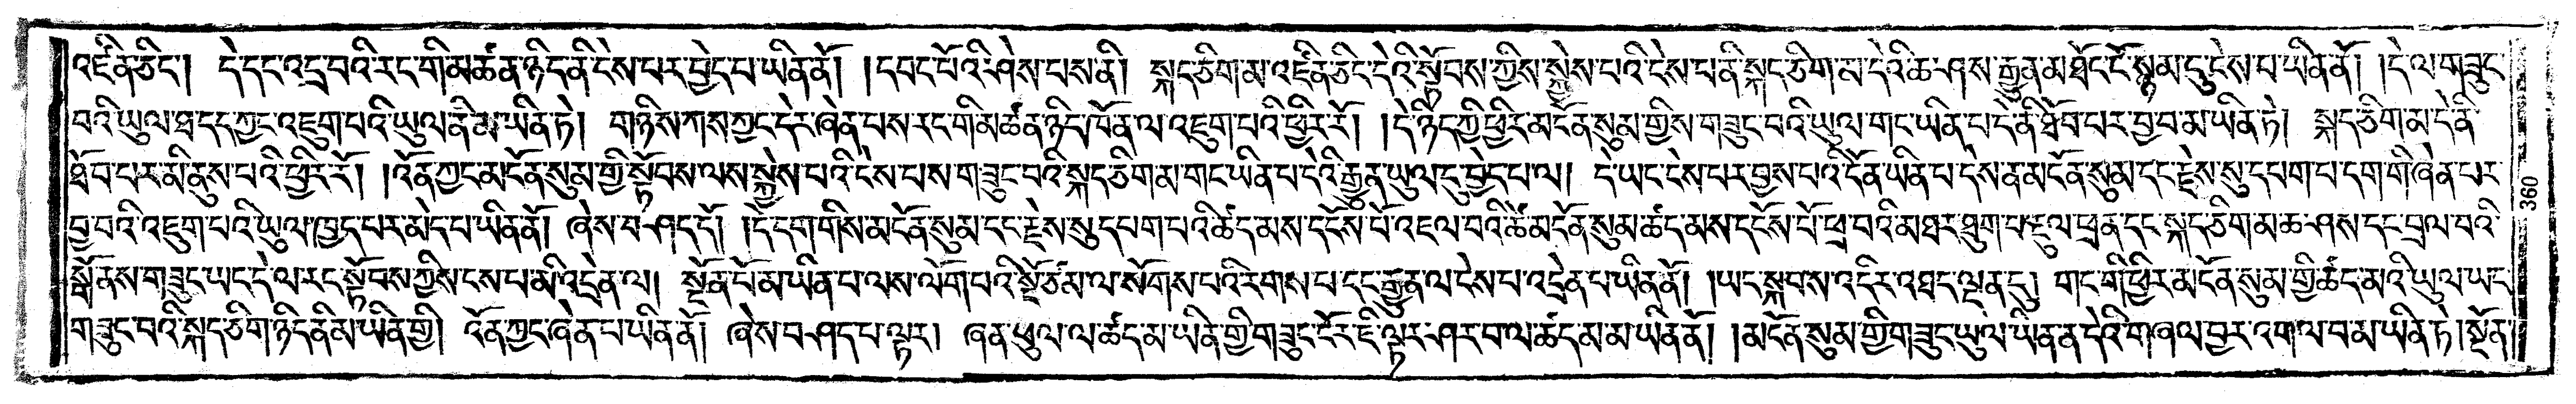འཛིན་ཅིང་། དེ་དང་འདྲ་བའི་རང་གི་མཚན་ཉིད་ནི་ངེས་པར་བྱེད་པ་ཡིན་ནོ། །དབང་པོའི་ཤེས་པས་ནི། སྐད་ཅིག་མ་འཛིན་ཅིང་དེའི་སྟོབས་ཀྱིས་སྐྱེས་པའི་ངེས་པ་ནི་སྐད་ཅིག་མ་དེའི་ཆ་ཤས་རྒྱུན་མཐོང་ངོ་སྙམ་དུ་ངེས་པ་ཡིན་ནོ། །དེ་ལ་གཟུང་
བའི་ཡུལ་ཐ་དད་ཀྱང་འཇུག་པའི་ཡུལ་ནི་མ་ཡིན་ཏེ། གཉིས་ཀས་ཀྱང་དེར་ཞེན་པས་རང་གི་མཚན་ཉིད་ཁོ་ན་ལ་འཇུག་པའི་ཕྱིར་རོ། །དེ་ཉིད་ཀྱི་ཕྱིར་མངོན་སུམ་གྱིས་གཟུང་བའི་ཡུལ་གང་ཡིན་པ་དེ་ནི་ཐོབ་པར་བྱ་བ་མ་ཡིན་ཏེ། སྐད་ཅིག་མ་དེ་ནི་
ཐོབ་པར་མི་ནུས་པའི་ཕྱིར་རོ། །འོན་ཀྱང་མངོན་སུམ་གྱི་སྟོབས་ལས་སྐྱེས་པའི་ངེས་པས་གཟུང་བའི་སྐད་ཅིག་མ་གང་ཡིན་པ་དེའི་རྒྱུན་ཡུལ་དུ་བྱེད་པ་ལ། དེ་ཡང་ངེས་པར་བྱས་པའི་དོན་ཡིན་པ་དེས་ན་མངོན་སུམ་དང་རྗེས་སུ་དཔག་པ་དག་གི་ཞེན་པར་
བྱ་བའི་འཇུག་པའི་ཡུལ་ཁྱད་པར་མེད་པ་ཡིན་ནོ། ཞེས་བཤད་དོ། །དེ་དག་གིས་མངོན་སུམ་དང་རྗེས་སུ་དཔག་པའི་ཚད་མས་དངོས་པོ་འཇལ་བའི་ཚེ་མངོན་སུམ་ཚད་མས་དངོས་པོ་ཕྲ་བའི་མཐར་ཐུག་པ་རྡུལ་ཕྲན་དང་སྐད་ཅིག་མ་ཆ་ཤས་དང་བྲལ་བའི་
སྒོ་ནས་གཟུང་ཡང་དེ་ལ་རང་སྟོབས་ཀྱིས་ངས་པ་མི་འདྲེན་ལ། སྔོན་པོ་མ་ཡིན་པ་ལས་ལོག་པའི་སྔོ་ཙམ་ལ་སོགས་པའི་རགས་པ་དང་རྒྱུན་ལ་ངེས་པ་འདྲེན་པ་ཡིན་ནོ། །ཡང་སྐབས་འདིར་འཐད་ལྡན་དུ། གང་གི་ཕྱིར་མངོན་སུམ་གྱི་ཚད་མའི་ཡུལ་ཡང་
གཟུང་བའི་སྐད་ཅིག་ཉིད་ནི་མ་ཡིན་གྱི། འོན་ཀྱང་ཞེན་པ་ཡིན་ནོ། ཞེས་བཤད་པ་ལྟར། ཞན་ཕུལ་ལ་ཚད་མ་ཡིན་གྱི་གཟུང་ངོར་ཡིན་གྱི་གཟུང་ངོར་འཛིན་ལྟར་ཤར་བ་ལ་ཚད་མ་མ་ཡིན་ནོ། །མངོན་སུམ་གྱི་གཟུང་ཡུལ་ཡིན་ན་དེའི་གཞལ་བྱར་འགལ་བ་མ་ཡིན་ཏེ། སྔོན་